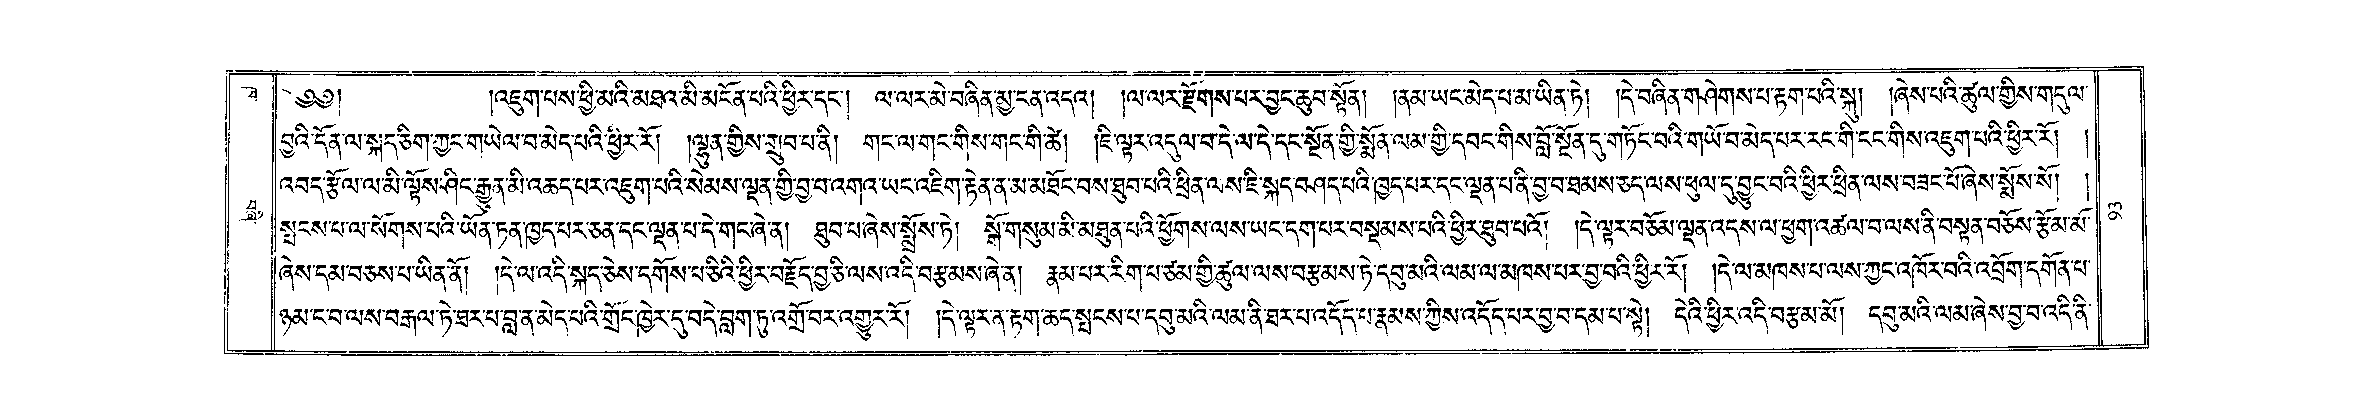༄༅། །འཇུག་པས་ཕྱི་མའི་མཐའ་མི་མངོན་པའི་ཕྱིར་དང་། ལ་ལར་མེ་བཞིན་མྱ་ངན་འདའ། །ལ་ལར་རྫོགས་པར་བྱང་ཆུབ་སྟོན། །ནམ་ཡང་མེད་པ་མ་ཡིན་ཏེ། །དེ་བཞིན་གཤེགས་པ་རྟག་པའི་སྐུ། །ཞེས་པའི་ཚུལ་གྱིས་གདུལ་
བྱའི་དོན་ལ་སྐད་ཅིག་ཀྱང་གཡེལ་བ་མེད་པའི་ཕྱིར་རོ། །ལྷུན་གྱིས་གྲུབ་པ་ནི། གང་ལ་གང་གིས་གང་གི་ཚེ། །ཇི་ལྟར་འདུལ་བ་དེ་ལ་དེ་དང་སྔོན་གྱི་སྨོན་ལམ་གྱི་དབང་གིས་བློ་སྔོན་དུ་གཏོང་བའི་གཡོ་བ་མེད་པར་རང་གི་ངང་གིས་འཇུག་པའི་ཕྱིར་རོ། །
འབད་རྩོལ་ལ་མི་ལྟོས་ཤིང་རྒྱུན་མི་འཆད་པར་འཇུག་པའི་སེམས་ལྡན་གྱི་བྱ་བ་འགའ་ཡང་འཇིག་རྟེན་ན་མ་མཐོང་བས་ཐུབ་པའི་ཕྲིན་ལས་ཇི་སྐད་བཤད་པའི་ཁྱད་པར་དང་ལྡན་པ་ནི་བྱ་བ་ཐམས་ཅད་ལས་ཕུལ་དུ་བྱུང་བའི་ཕྱིར་ཕྲིན་ལས་བཟང་པོ་ཞེས་སྨོས་སོ། །
སྤངས་པ་ལ་སོགས་པའི་ཡོན་ཏན་ཁྱད་པར་ཅན་དང་ལྡན་པ་དེ་གང་ཞེ་ན། ཐུབ་པ་ཞེས་སྨྲོས་ཏེ། སྒོ་གསུམ་མི་མཐུན་པའི་ཕྱོགས་ལས་ཡང་དག་པར་བསྡམས་པའི་ཕྱིར་ཐུབ་པའོ། །དེ་ལྟར་བཅོམ་ལྡན་འདས་ལ་ཕྱག་འཚལ་བ་ལས་ནི་བསྟན་བཅོས་རྩོམ་མོ་
ཞེས་དམ་བཅས་པ་ཡིན་ནོ། །དེ་ལ་འདི་སྐད་ཅེས་དགོས་པ་ཅིའི་ཕྱིར་བརྗོད་བྱ་ཅི་ལས་འདི་བརྩམས་ཞེ་ན། རྣམ་པར་རིག་པ་ཙམ་གྱི་ཚུལ་ལས་བརྩམས་ཏེ་དབུ་མའི་ལམ་ལ་མཁས་པར་བྱ་བའི་ཕྱིར་རོ། །དེ་ལ་མཁས་པ་ལས་ཀྱང་འཁོར་བའི་འབྲོག་དགོན་པ་
ཉམ་ང་བ་ལས་བརྒལ་ཏེ་ཐར་པ་བླ་ན་མེད་པའི་གྲོང་ཁྱེར་དུ་བདེ་བླག་ཏུ་འགྲོ་བར་འགྱུར་རོ། །དེ་ལྟར་ན་རྟག་ཆད་སྤངས་པ་དབུ་མའི་ལམ་ནི་ཐར་པ་འདོད་པ་རྣམས་ཀྱིས་འདོད་པར་བྱ་བ་དམ་པ་སྟེ། དེའི་ཕྱིར་འདི་བརྩམ་མོ། དབུ་མའི་ལམ་ཞེས་བྱ་བ་འདི་ནི་